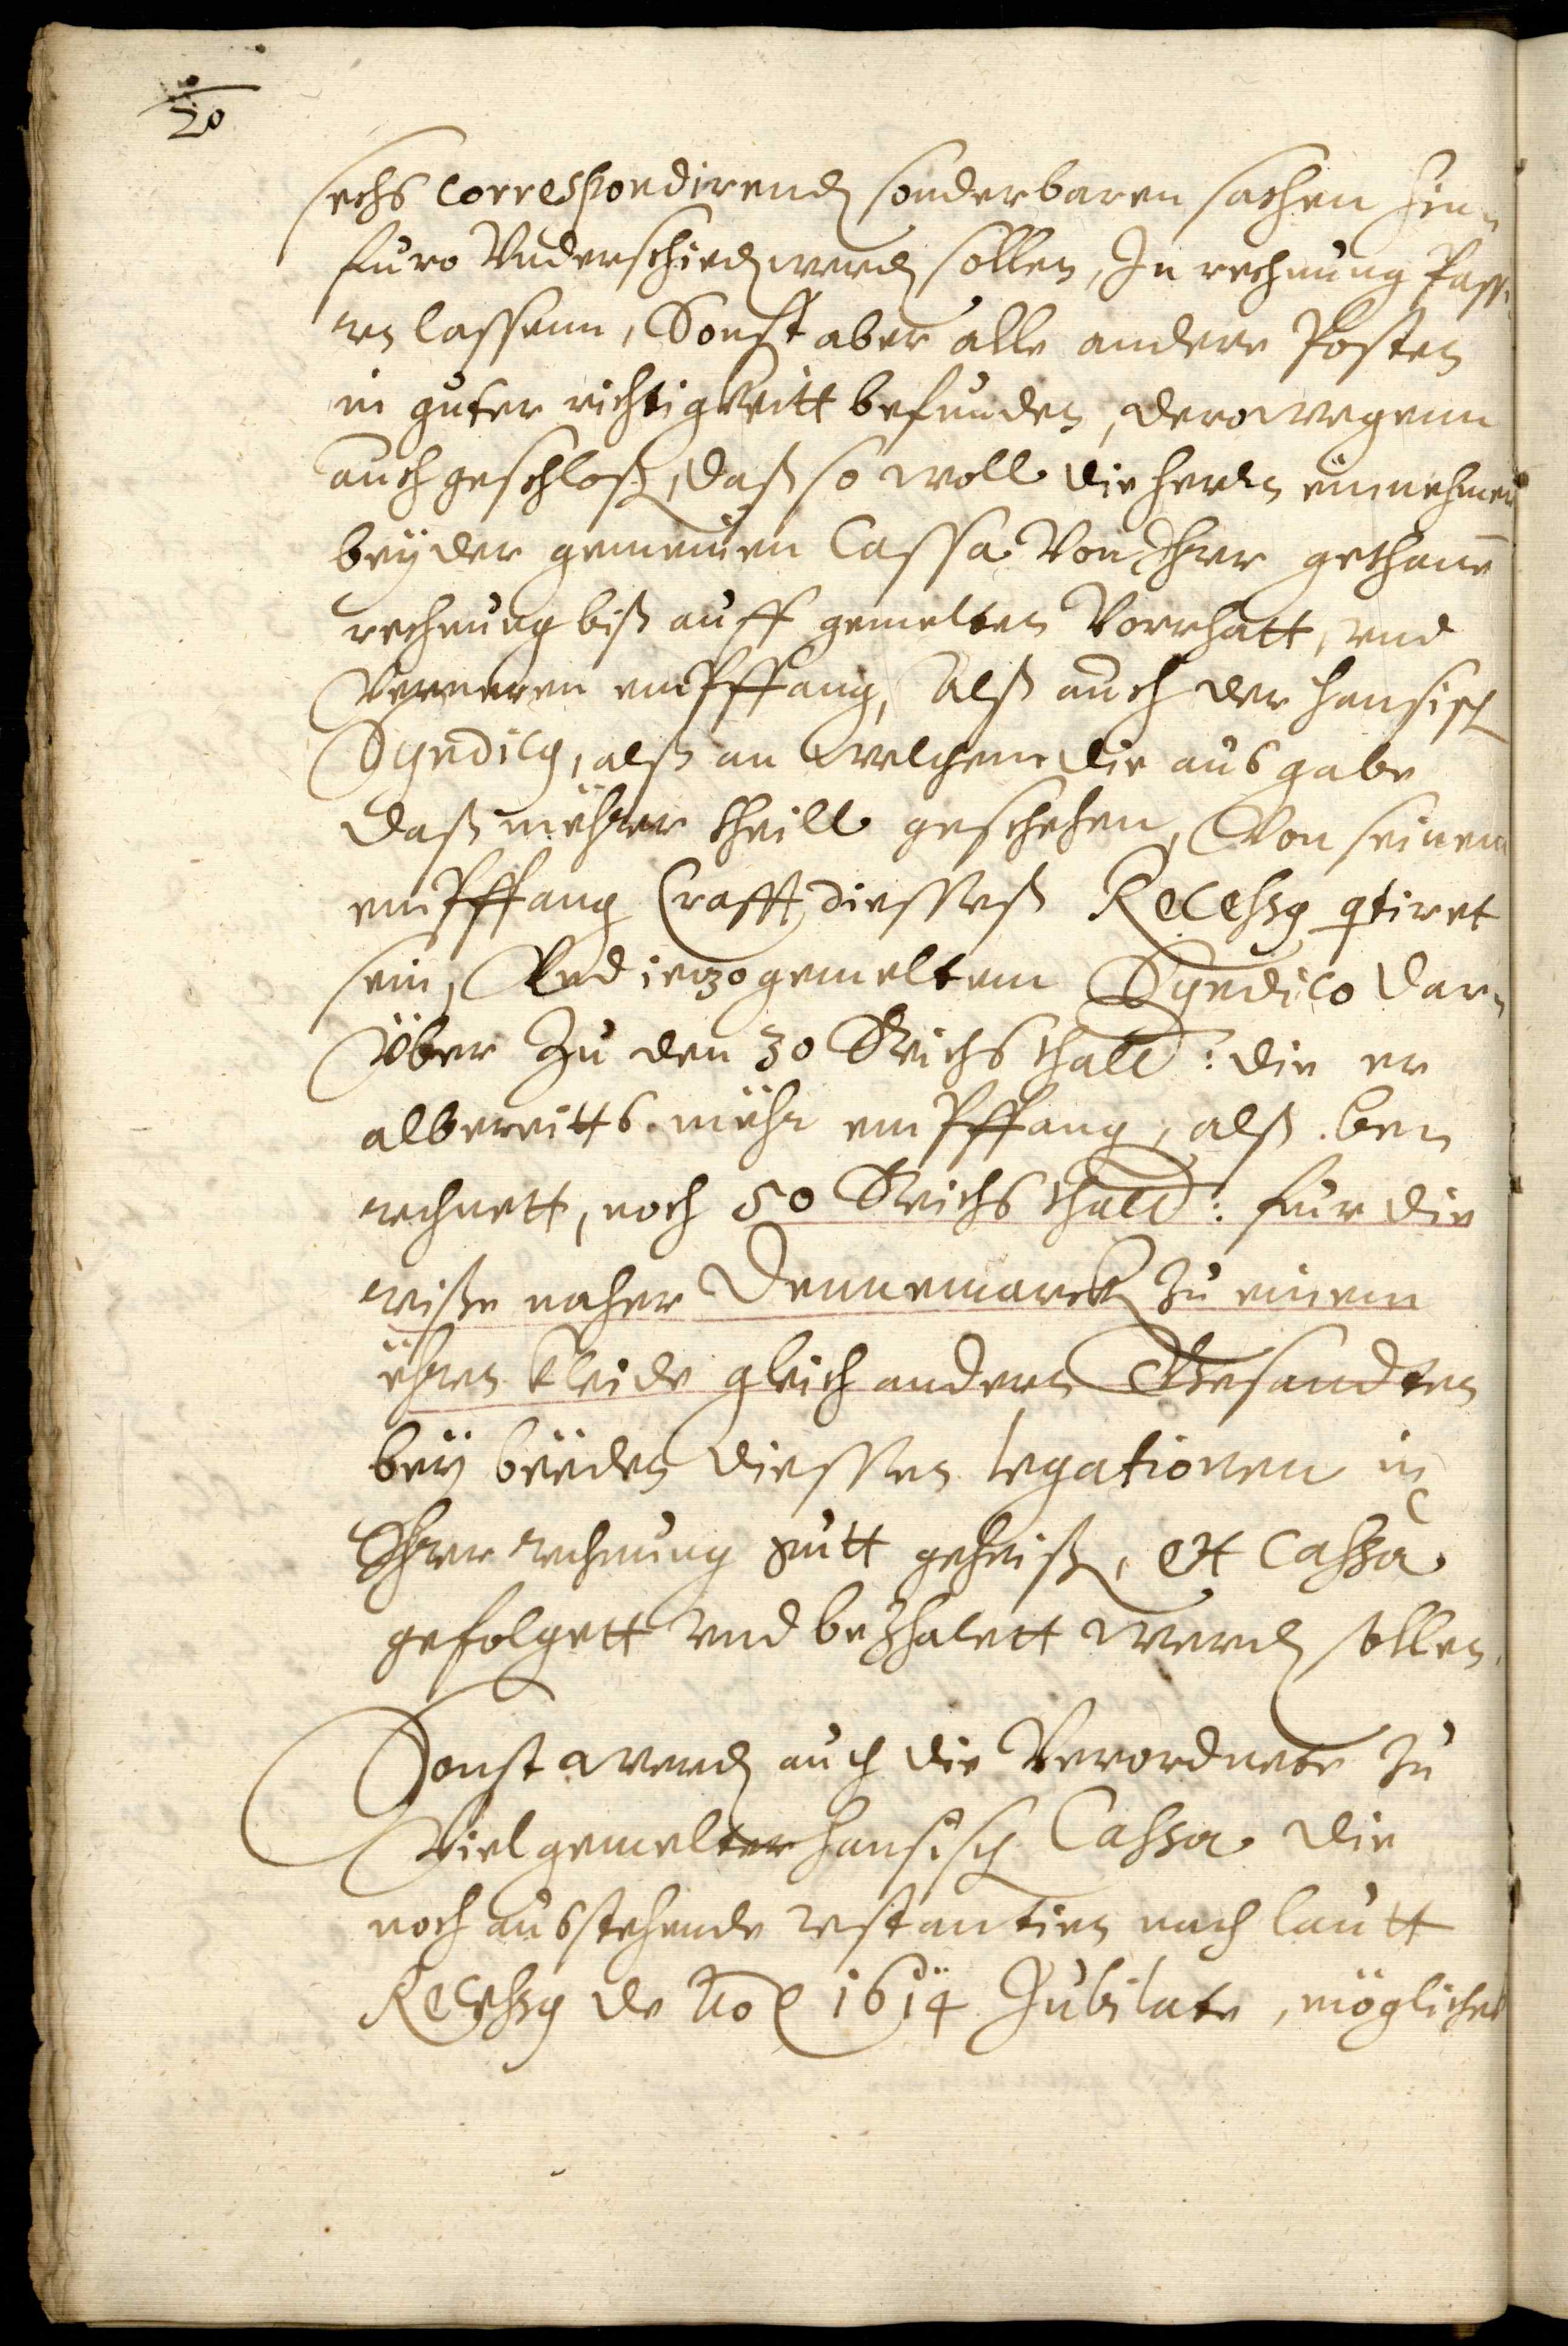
20
sechs correspondirenden sonderbaren sachen hin¬
furo Vnderschieden werden sollen, In rechnung Pass¬
en lassenn, Sonst aber alle andere Posten
in guter richtigkeitt befunden, derowegenn
auch geschloßen, daß so woll die herrn einnehmer
beij der gemeinen Cassa Von Ihrer gethanen
rechnung biß auff gemelten Vorrhatt, vnd
Verneren empffang, Alß auch der hansischen
Syndicus, alß an welchene die ausgabe
daß mehrer theill geschehen, Von seinem
empffang Crafft diesseß Recessus quitiret
sein, vnd jetzo gemeltem Syndico dar¬
vber zu den 30 Reichsthal: die er
albereits mehr empffangen, alß be¬
rechnett, noch 50 Reichsthaller: fur die
reiße naher Dennemarcken zu einem
ehren kleide gleich andern Gesandten
beij beeden diessen legationen in
Ihrer rechnung gutt geheißen, ex cassa
gefolgett vnd bezhalett werden sollen,
Sonst werden auch die Verordnete zu
Viel gemelter hansischen Cassa die
noch ausstehende restantien nach lautt
Recessus de Ao p 1614 Jubilate, möglichen
